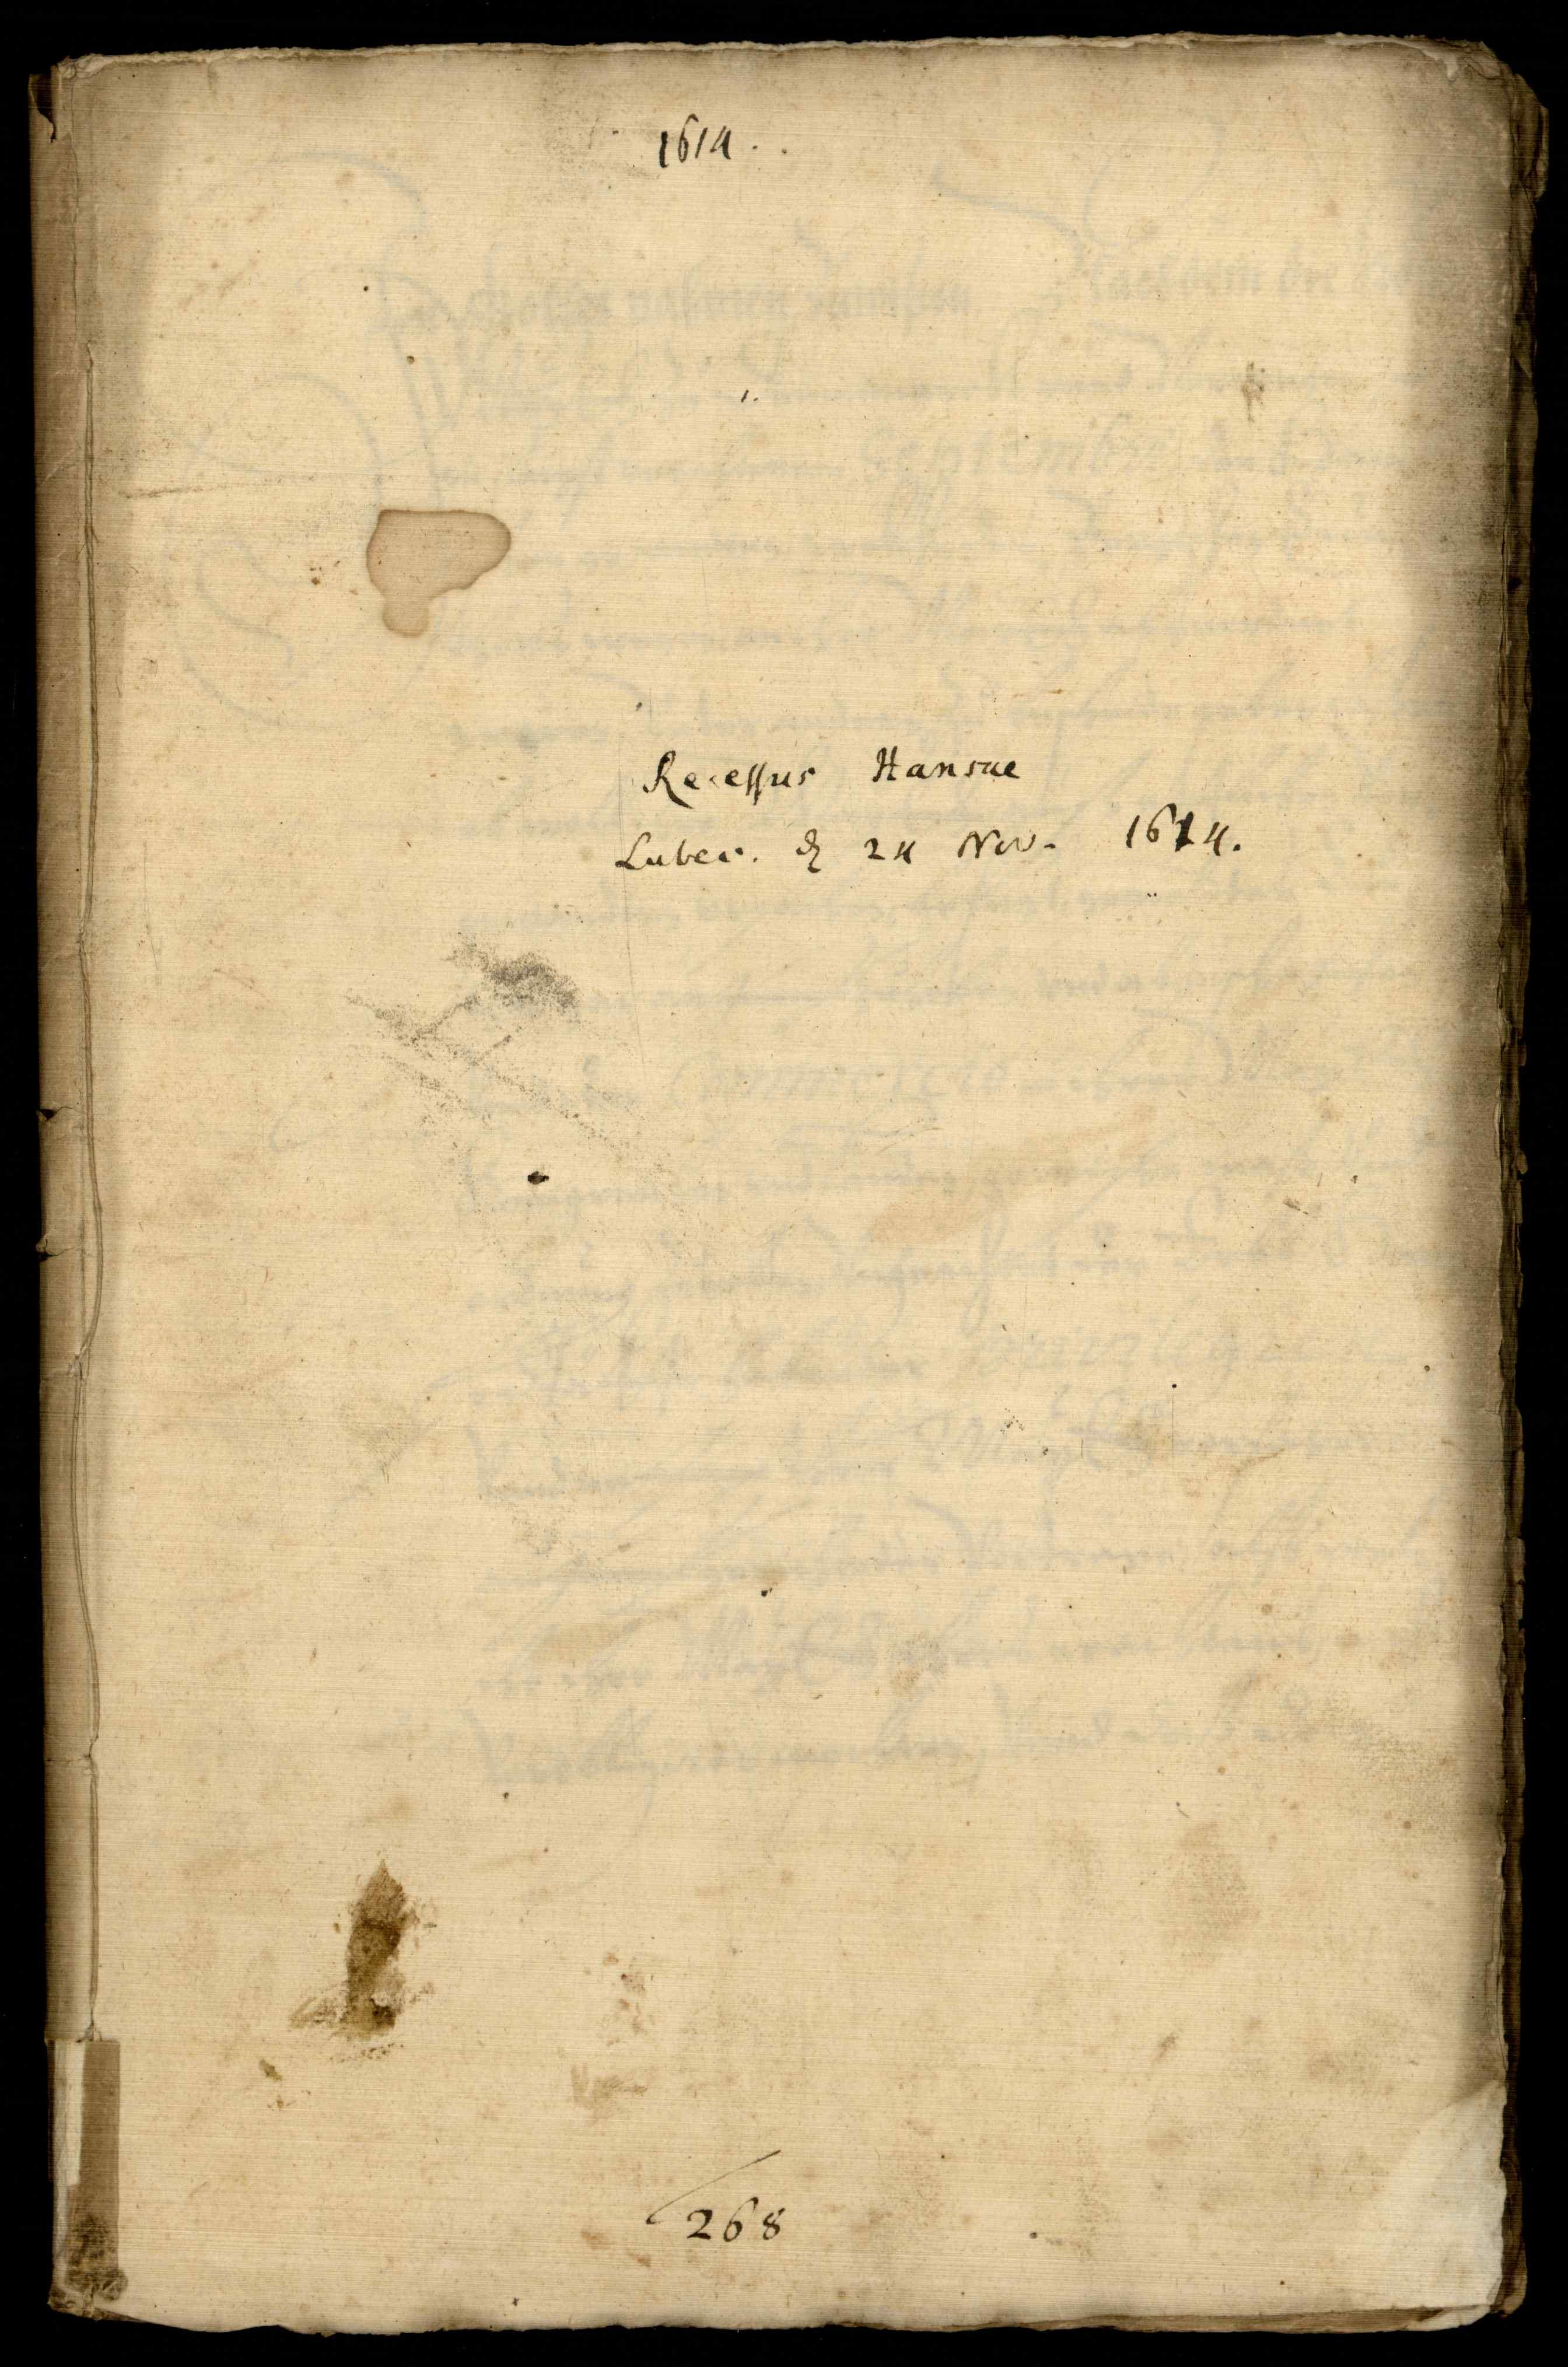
1614.
Recessus Hansae
Lubec. d 24 Nov. 1614
268
